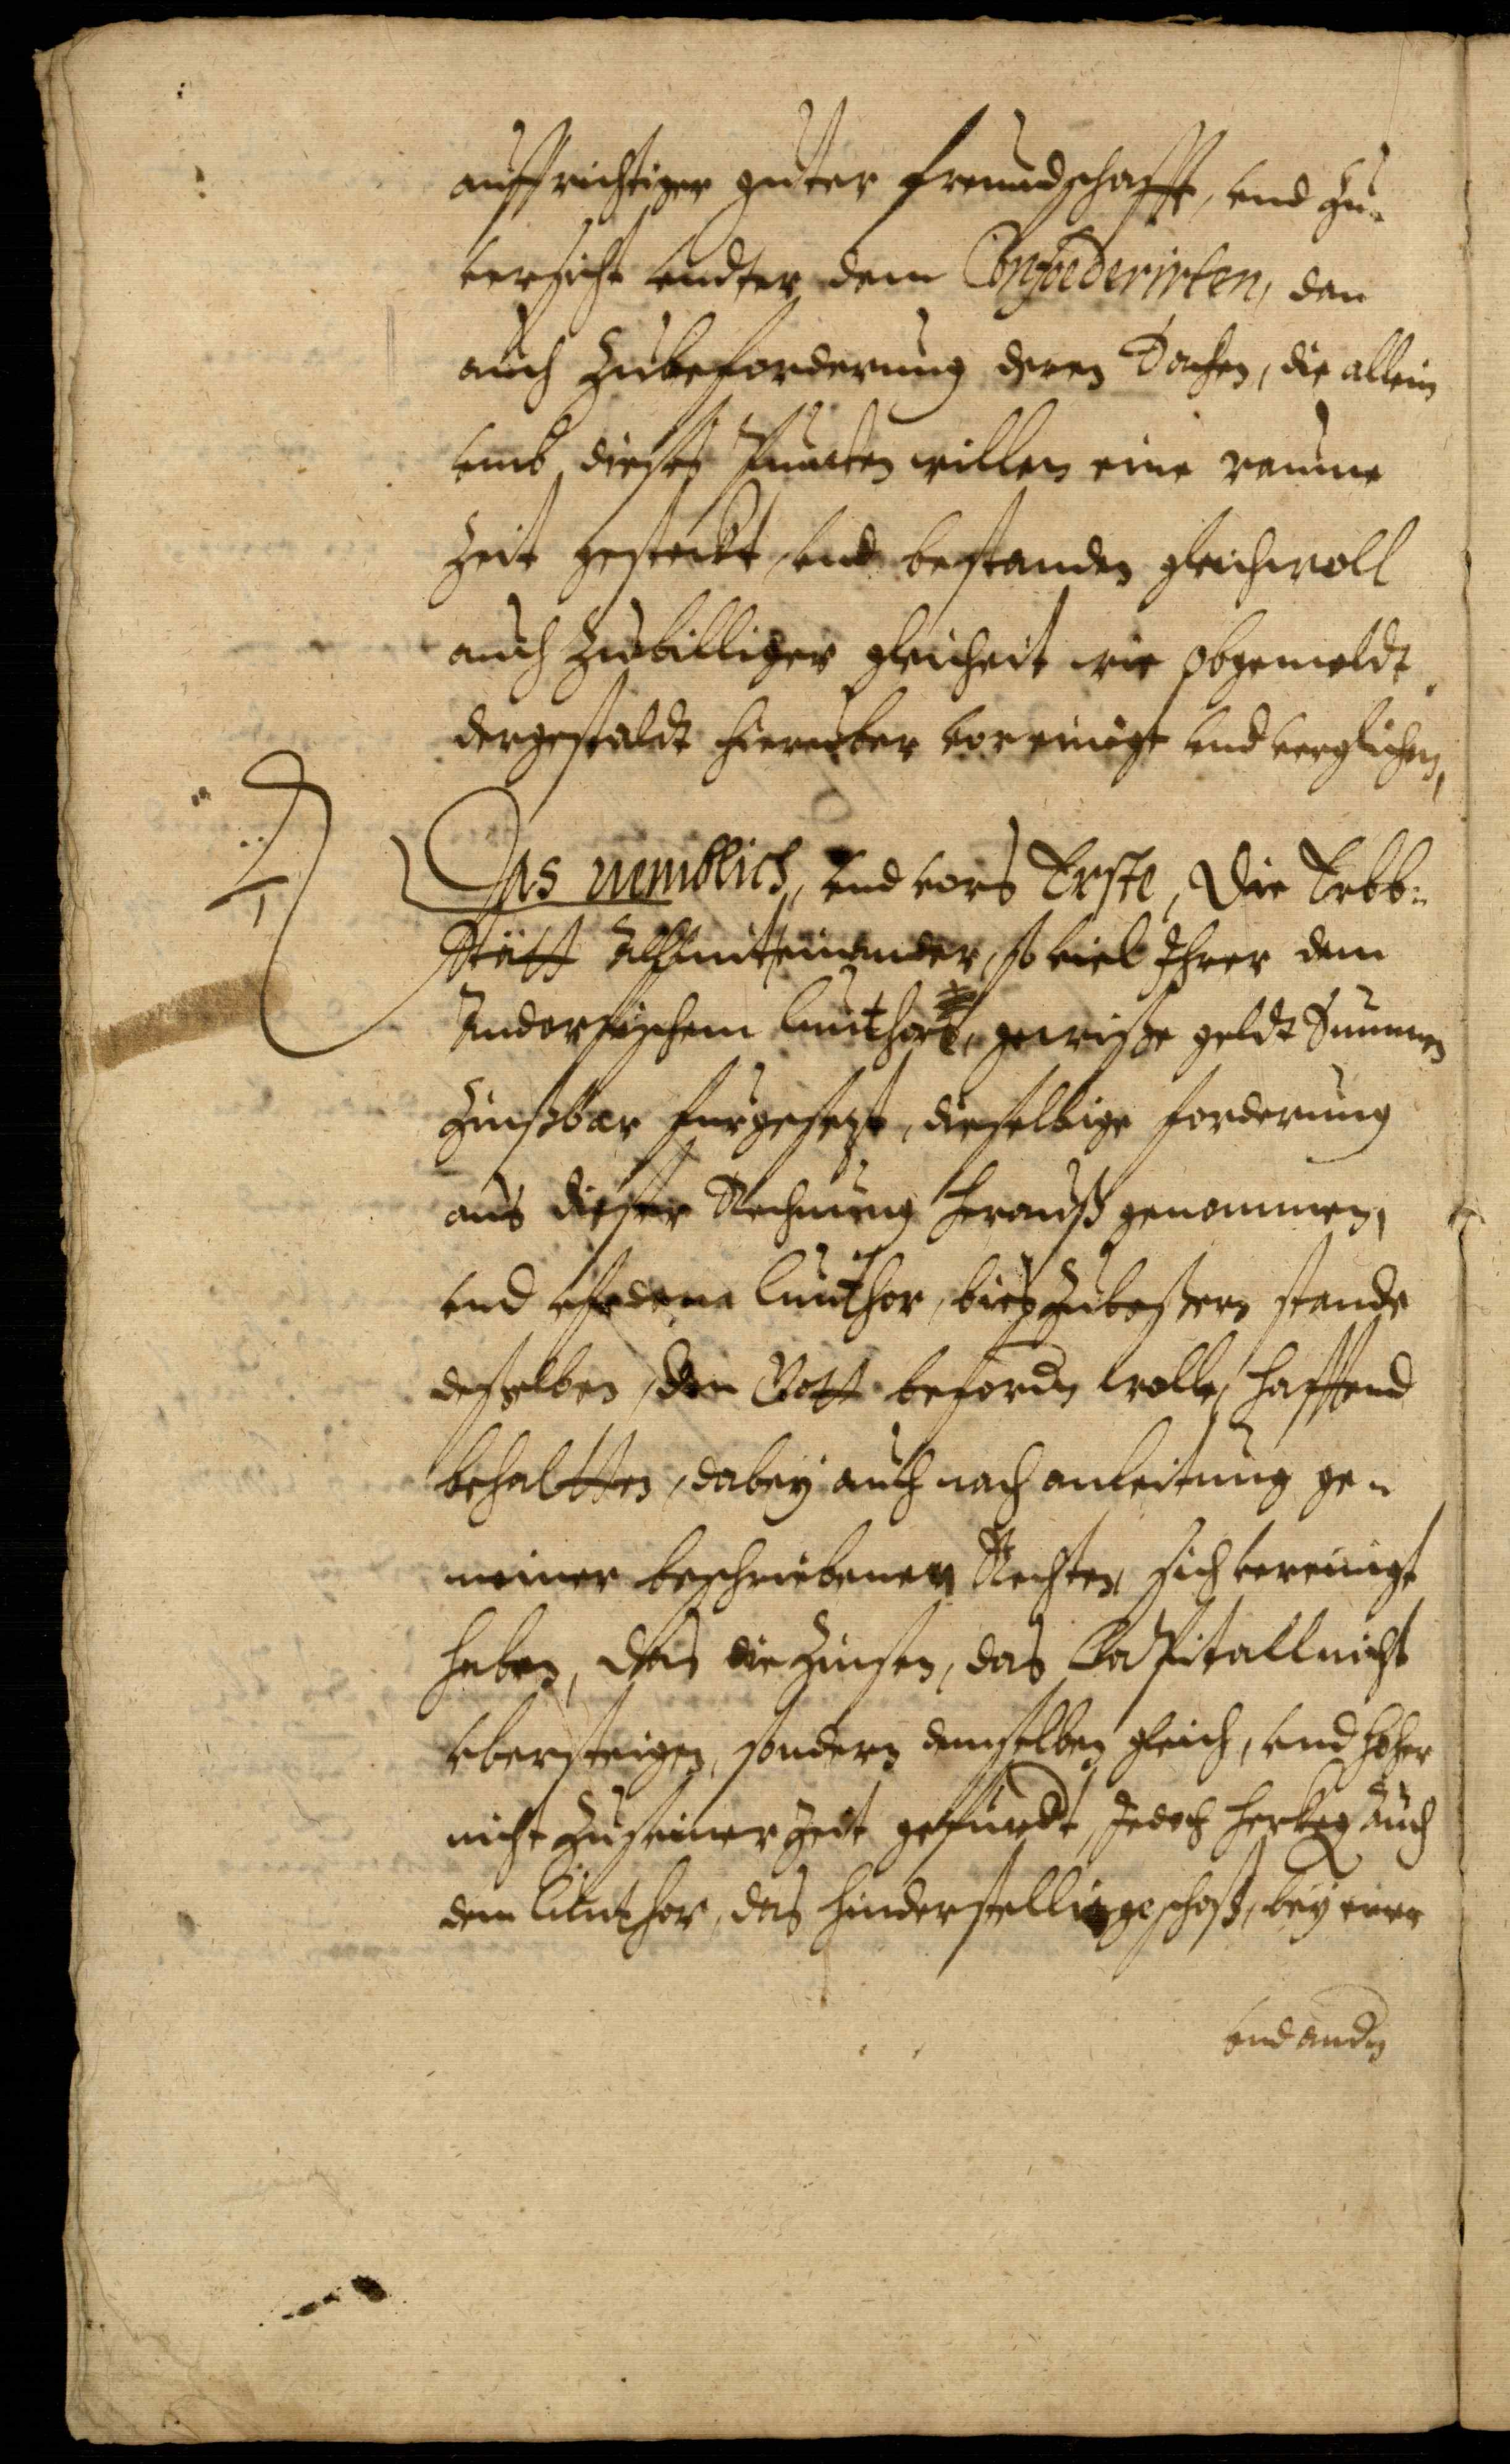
auffrichtiger guter freundschafft, vnd zu¬
versicht vndter dem Confoederirten, dan
auch zubeforderung deren Sachen, die allein
vmb dieseß Punctes willen eine raume
zeit gesteckt, vnd bestanden gleichwoll
auch zubilliger gleicheit wie obgemeldt,
dergestaldt hieruber voreinigt vnd beglichen,
Das nemblich, vnd vors Erste, die Erbb:
Stätt allmiteinander, so viel Ihrer dem
andorfischem Cunthore gewiße geldt Summen
zinßbar furgesezt, dieselbige forderung
aus dieser Rechnung herauß genommen,
vnd vf dem Cunthor bies zubeßern stande
deßselben, den Gott befordern wolle, hafftend
behaltten, dabeij auch nach anleitung ge¬
meiner beschriebenen Rechten, sich bereinigt
haben, das die zinsen, das Kapitall nicht
vbersteigen, sondern demselben gleich, vnd hoher
nicht zu seiner zeit gefurdert, Jedoch herkegen auch
dem Cunthor das hinderstellige schoß, beij einer
vnd andern
1
